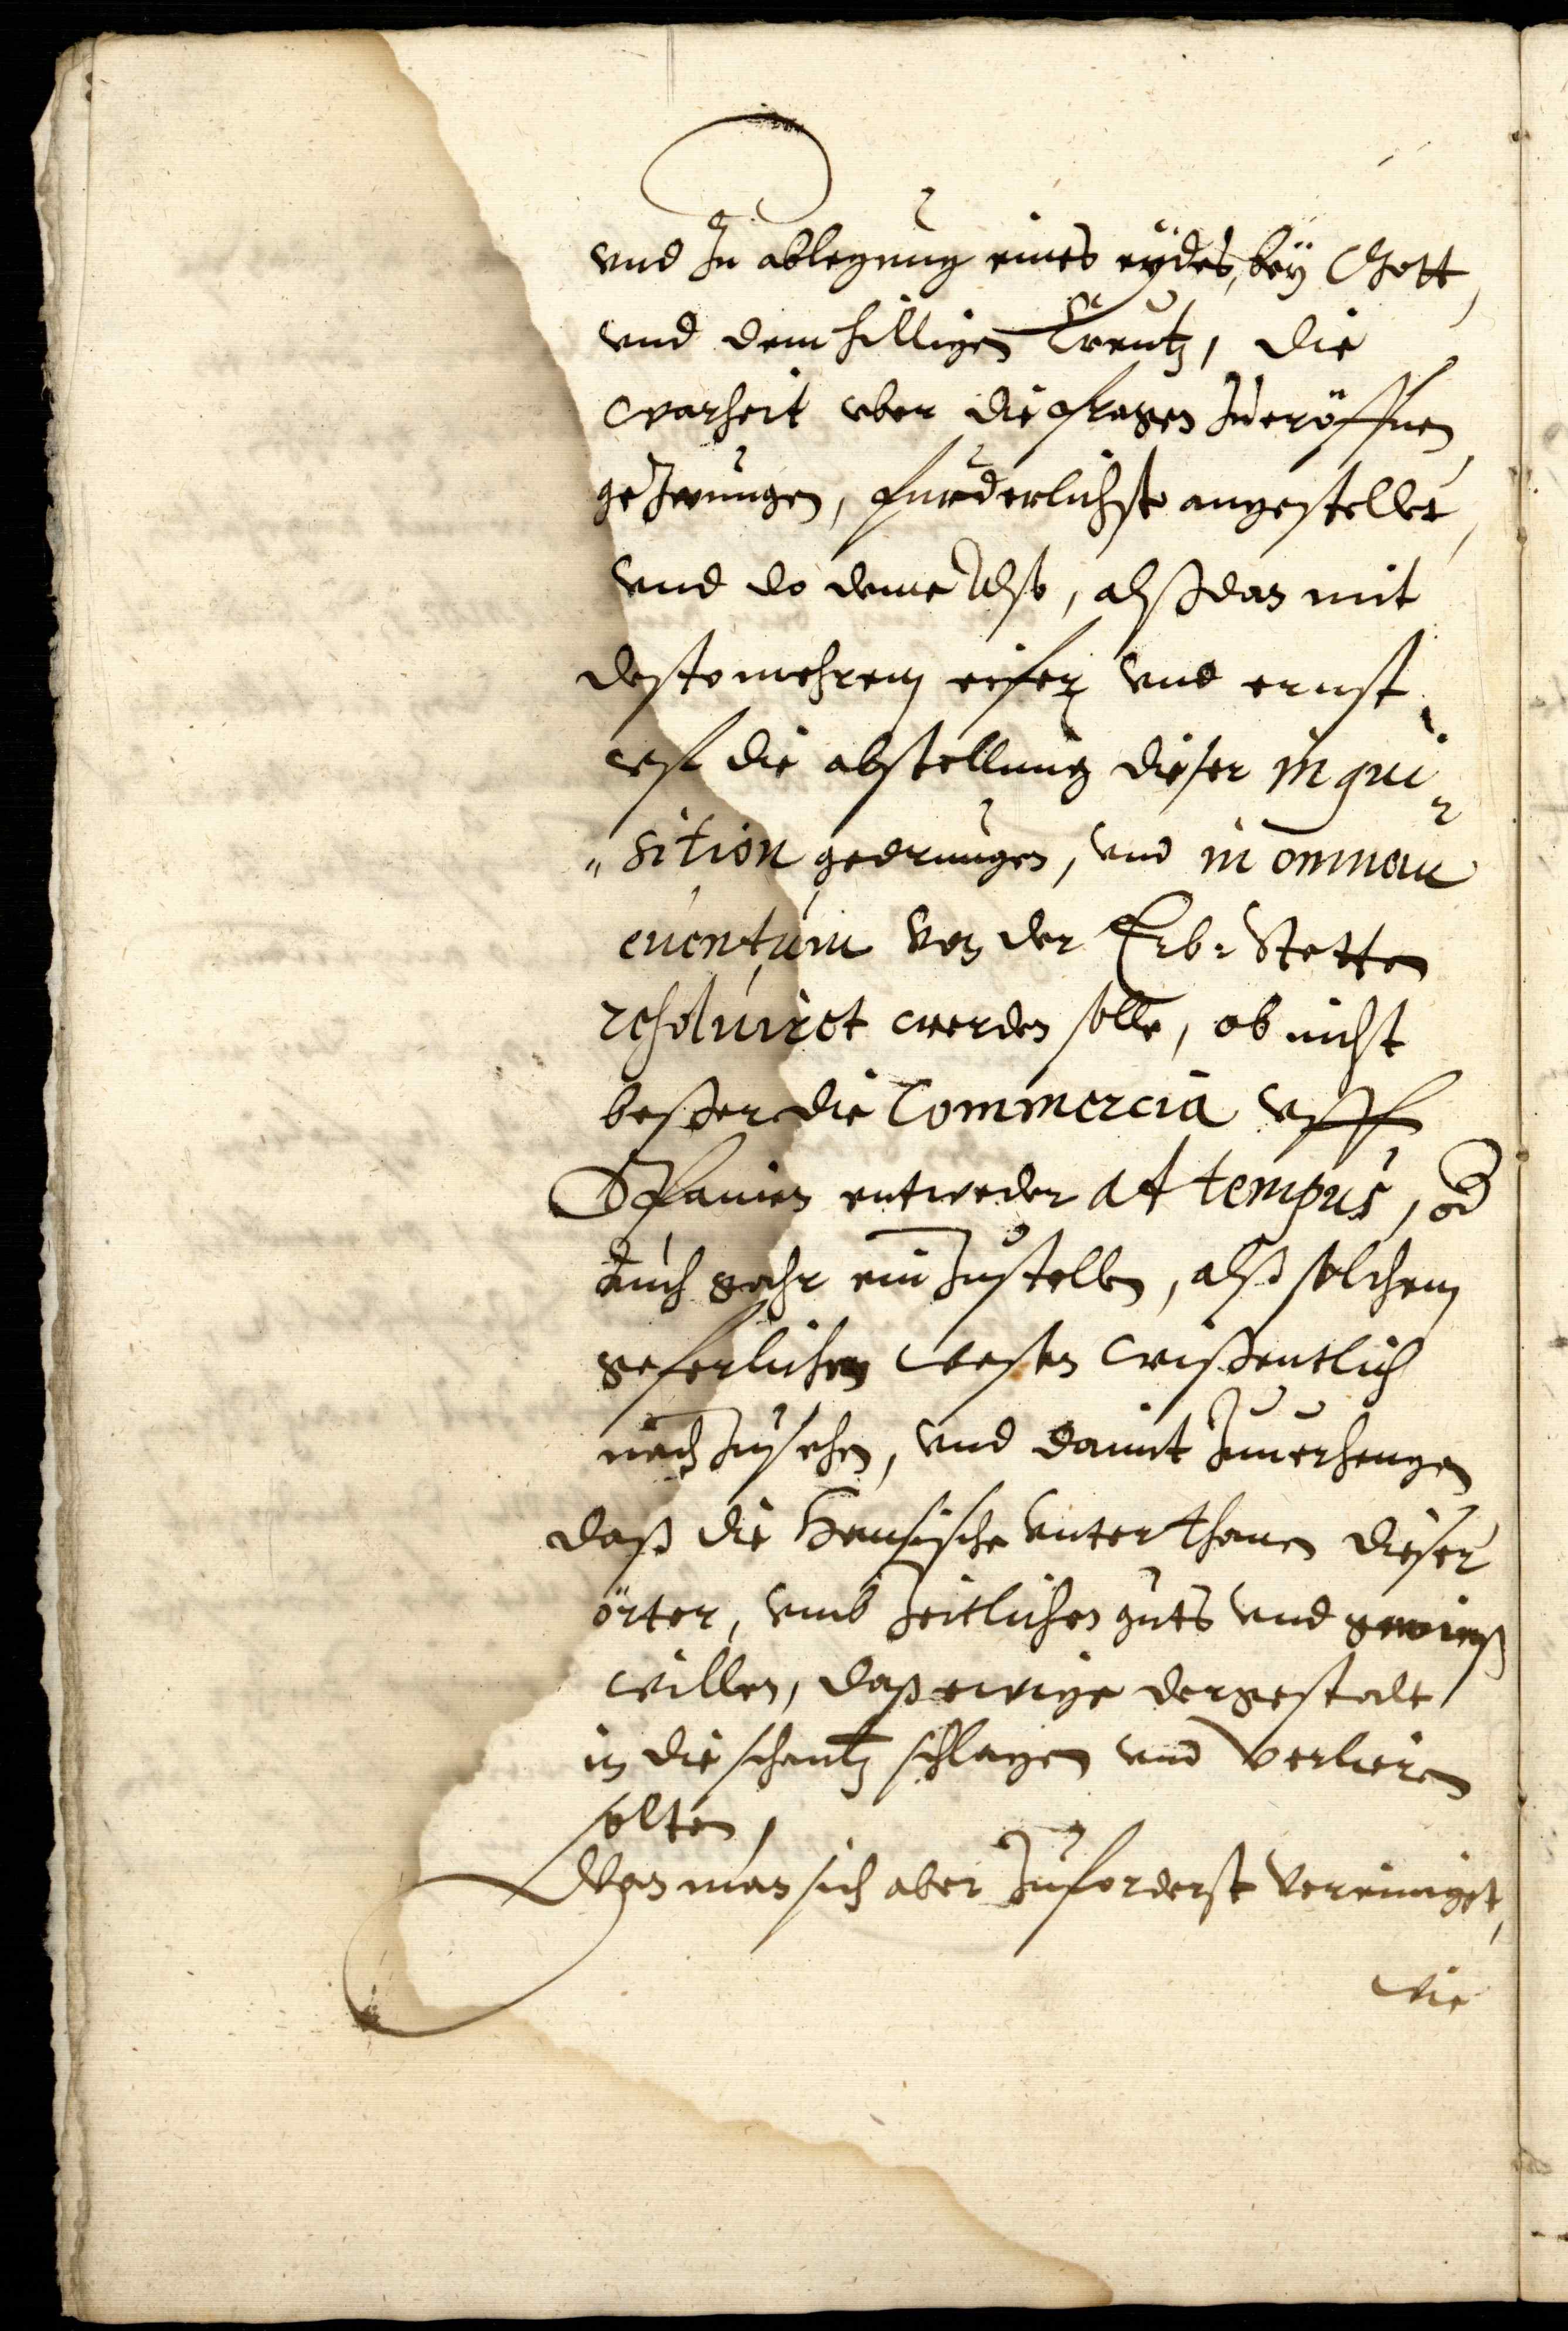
vnd zu ablegung eines eijdes, bey Gott ,
vnd dem hilligen Creutz, die
warheit vber die fragen zu eröffnen ,
gezwungen, furderlichst angestellet,
vnd do deme Also, alßdas mit
desto mehrem eifern und ernst
vf die abstellung dieser inqui¬
¬sition gedrungen, vnd in omnem
euentum von den Erb. Stetten
resoluiret werden solle, ob nicht
beßer die Commercia uff
Spanien entweder at tempus, oder
auch mehr einzustellen, alß solchem
geferlichen wesen wißentlich
nachzusehen, vnd damit Zuuerhengen
daß die Hansische Vntertanen diesen
örtern, vmb Zeitlichen guts vnd gewinß
willen, daß einige dergestalt
in die schantz schlagen vnd Verlieren
solten,
Wan man sich aber Zuforderst vereiniget,
wie
